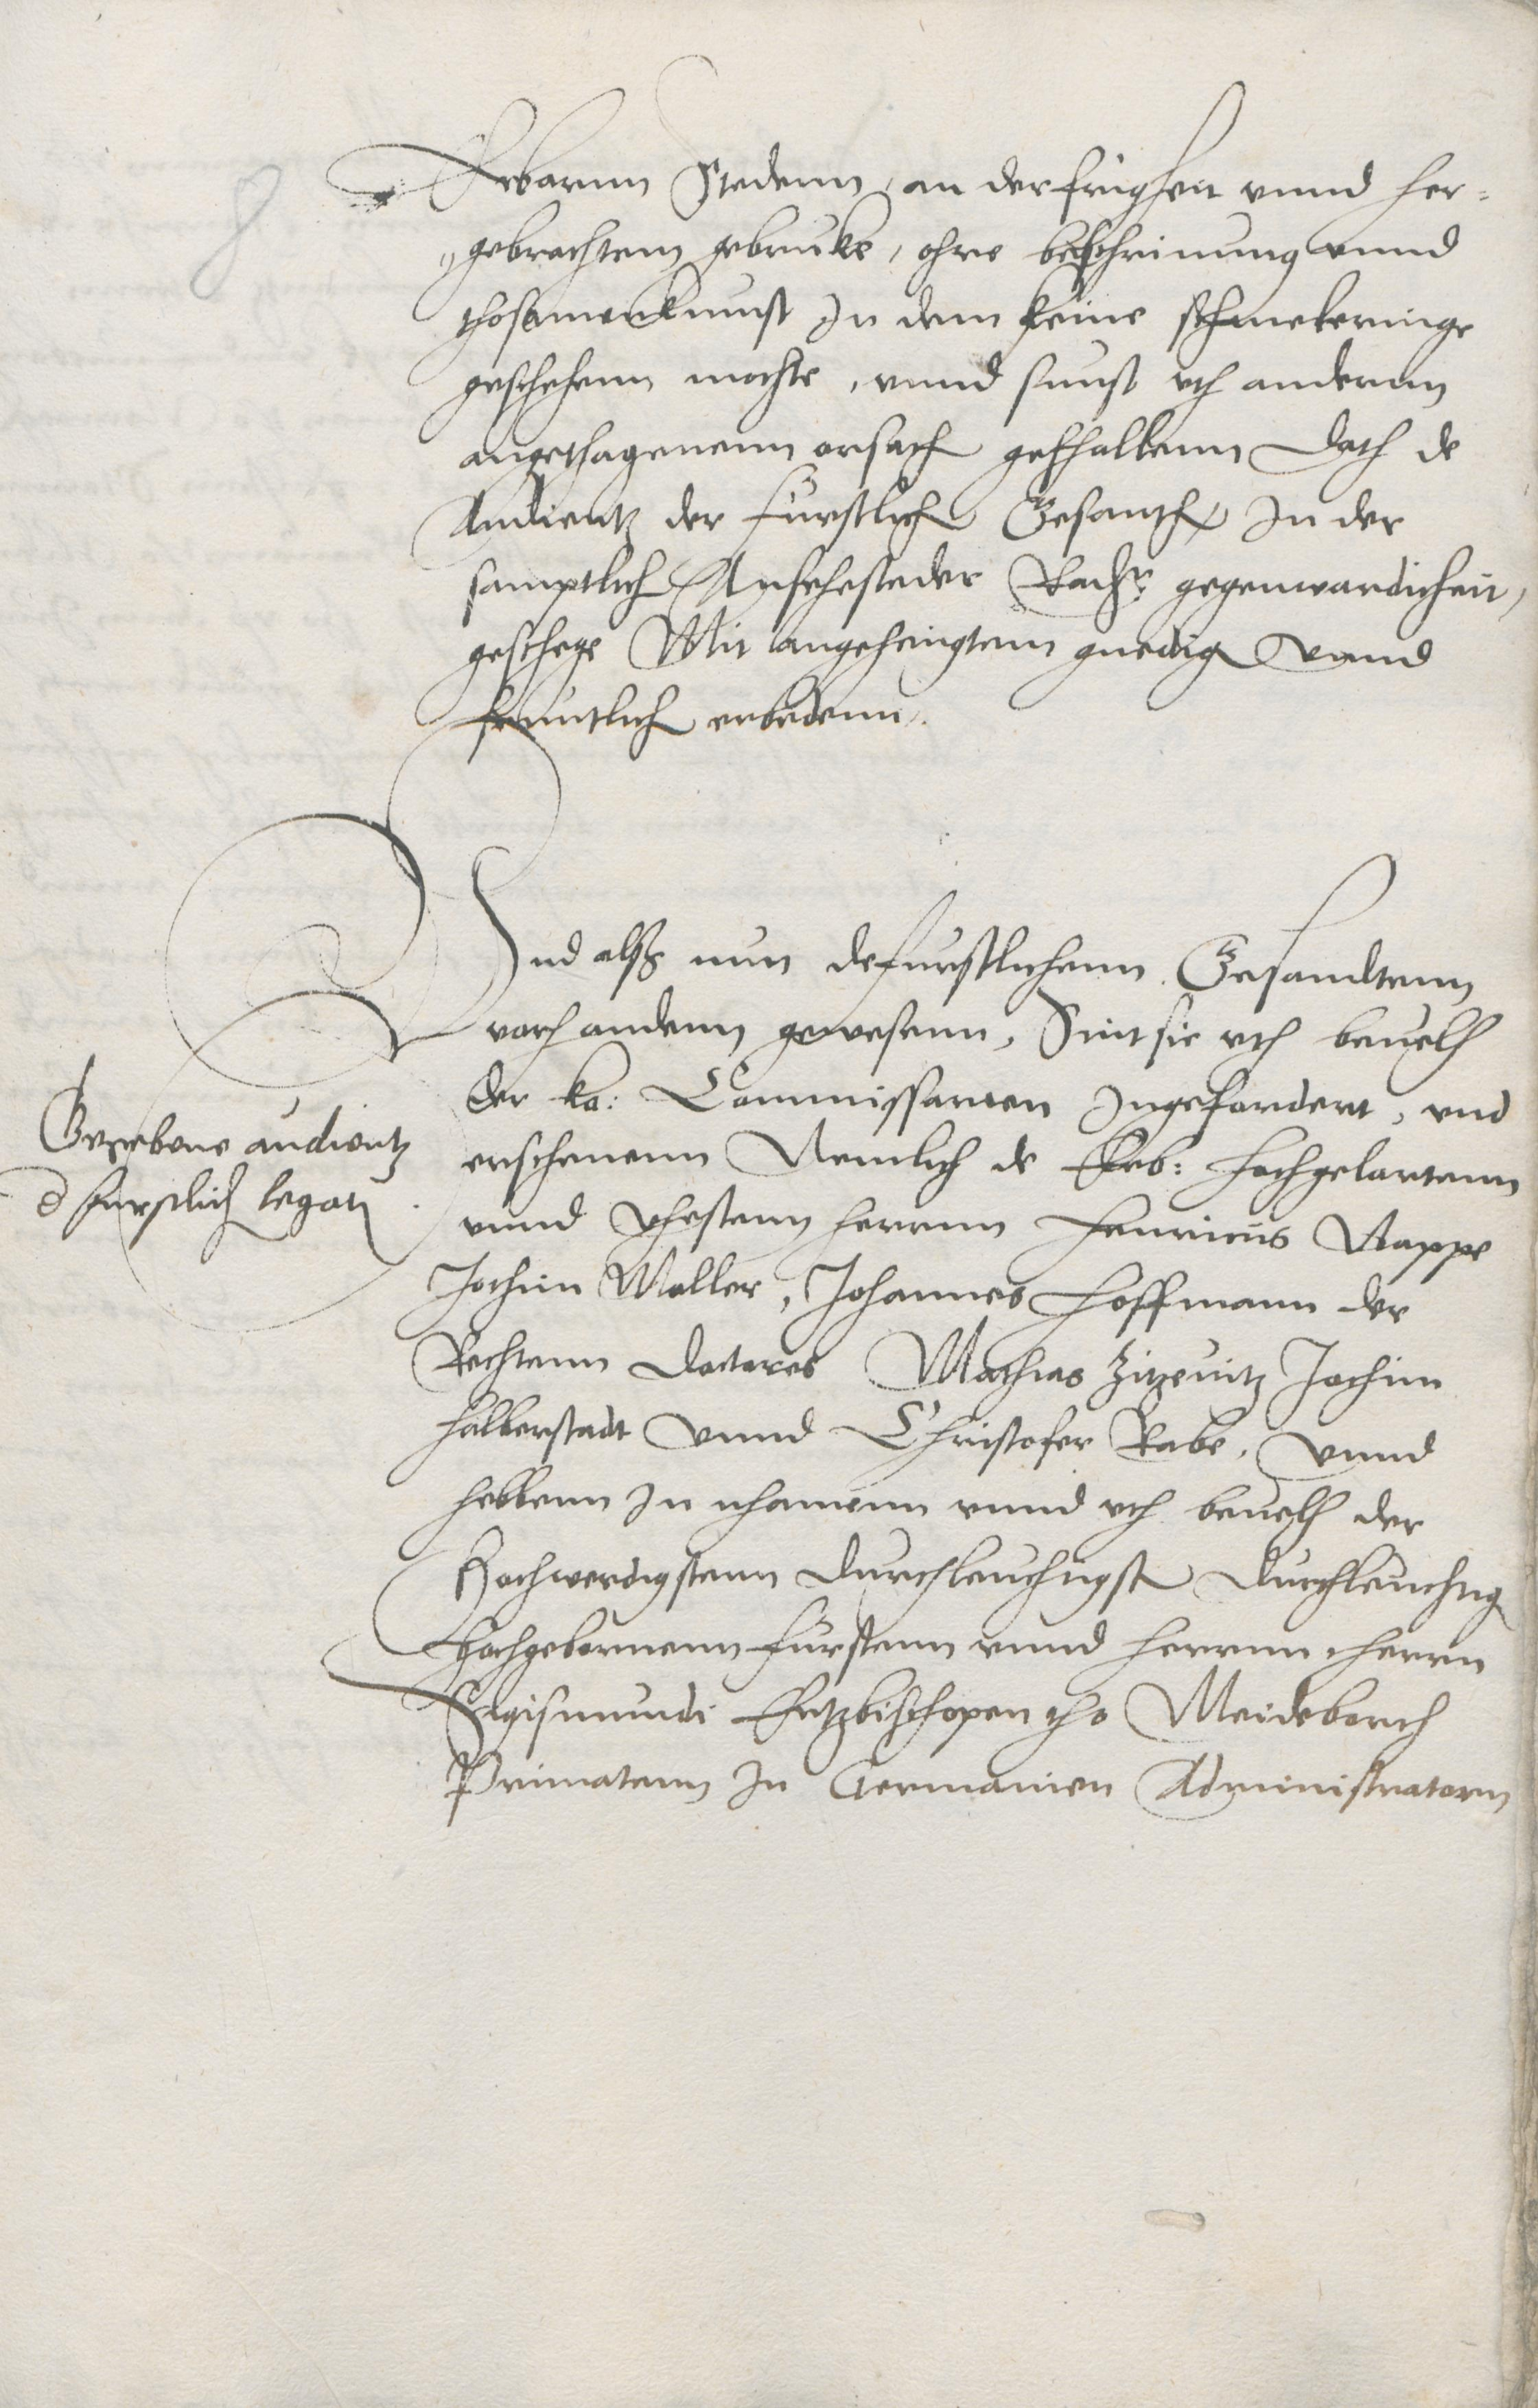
Erbarnn Stedenn, an der frigheit vnnd her¬
gebrachtem gebruke, ohre beschriuung vnnd
thosamenkumst jn dem keine schmeleringe
geschehenn mochte, vnnd sunst vth andernn
angethagenenn orsachen gefhallenn Dath de
Audientz der Furstlichen Gesanthen jn der
samptlichen Ansehesteder Radessendeboden gegenwardicheit,
geschege Mit angehengtem gnedigen vnnd
furstlichen erbedenn.
Vnd alß nun de Furstlichenn Gesandtenn
vorhandenn gewesenn, Sint sie vth beuelh
der Ko: Commissarien jngefordert, vnd
erschenenn Nemlich de Erb: hochgelartenn
vnnd vhestenn herrnn Henricus Nappe
Jochim Moller, Johannes Hoffmann der
Rechtenn Doctores Mathias Zitzeuitz Jochim
Halberstadt vnnd Christofer Rabe, vnnd
hebbenn jn nhamenn vnnd vth beuelh der
Hochwerdigstenn Durchleuchtigsten Durchleuchtigen
Hochgebornenn Furstenn vnnd herrnn, herrn
Sigismundi Ertzbischopen tho Meideborch
Primatenn jn Germanien Administratorn
Gegebene audientz
der furstlichen legaten
